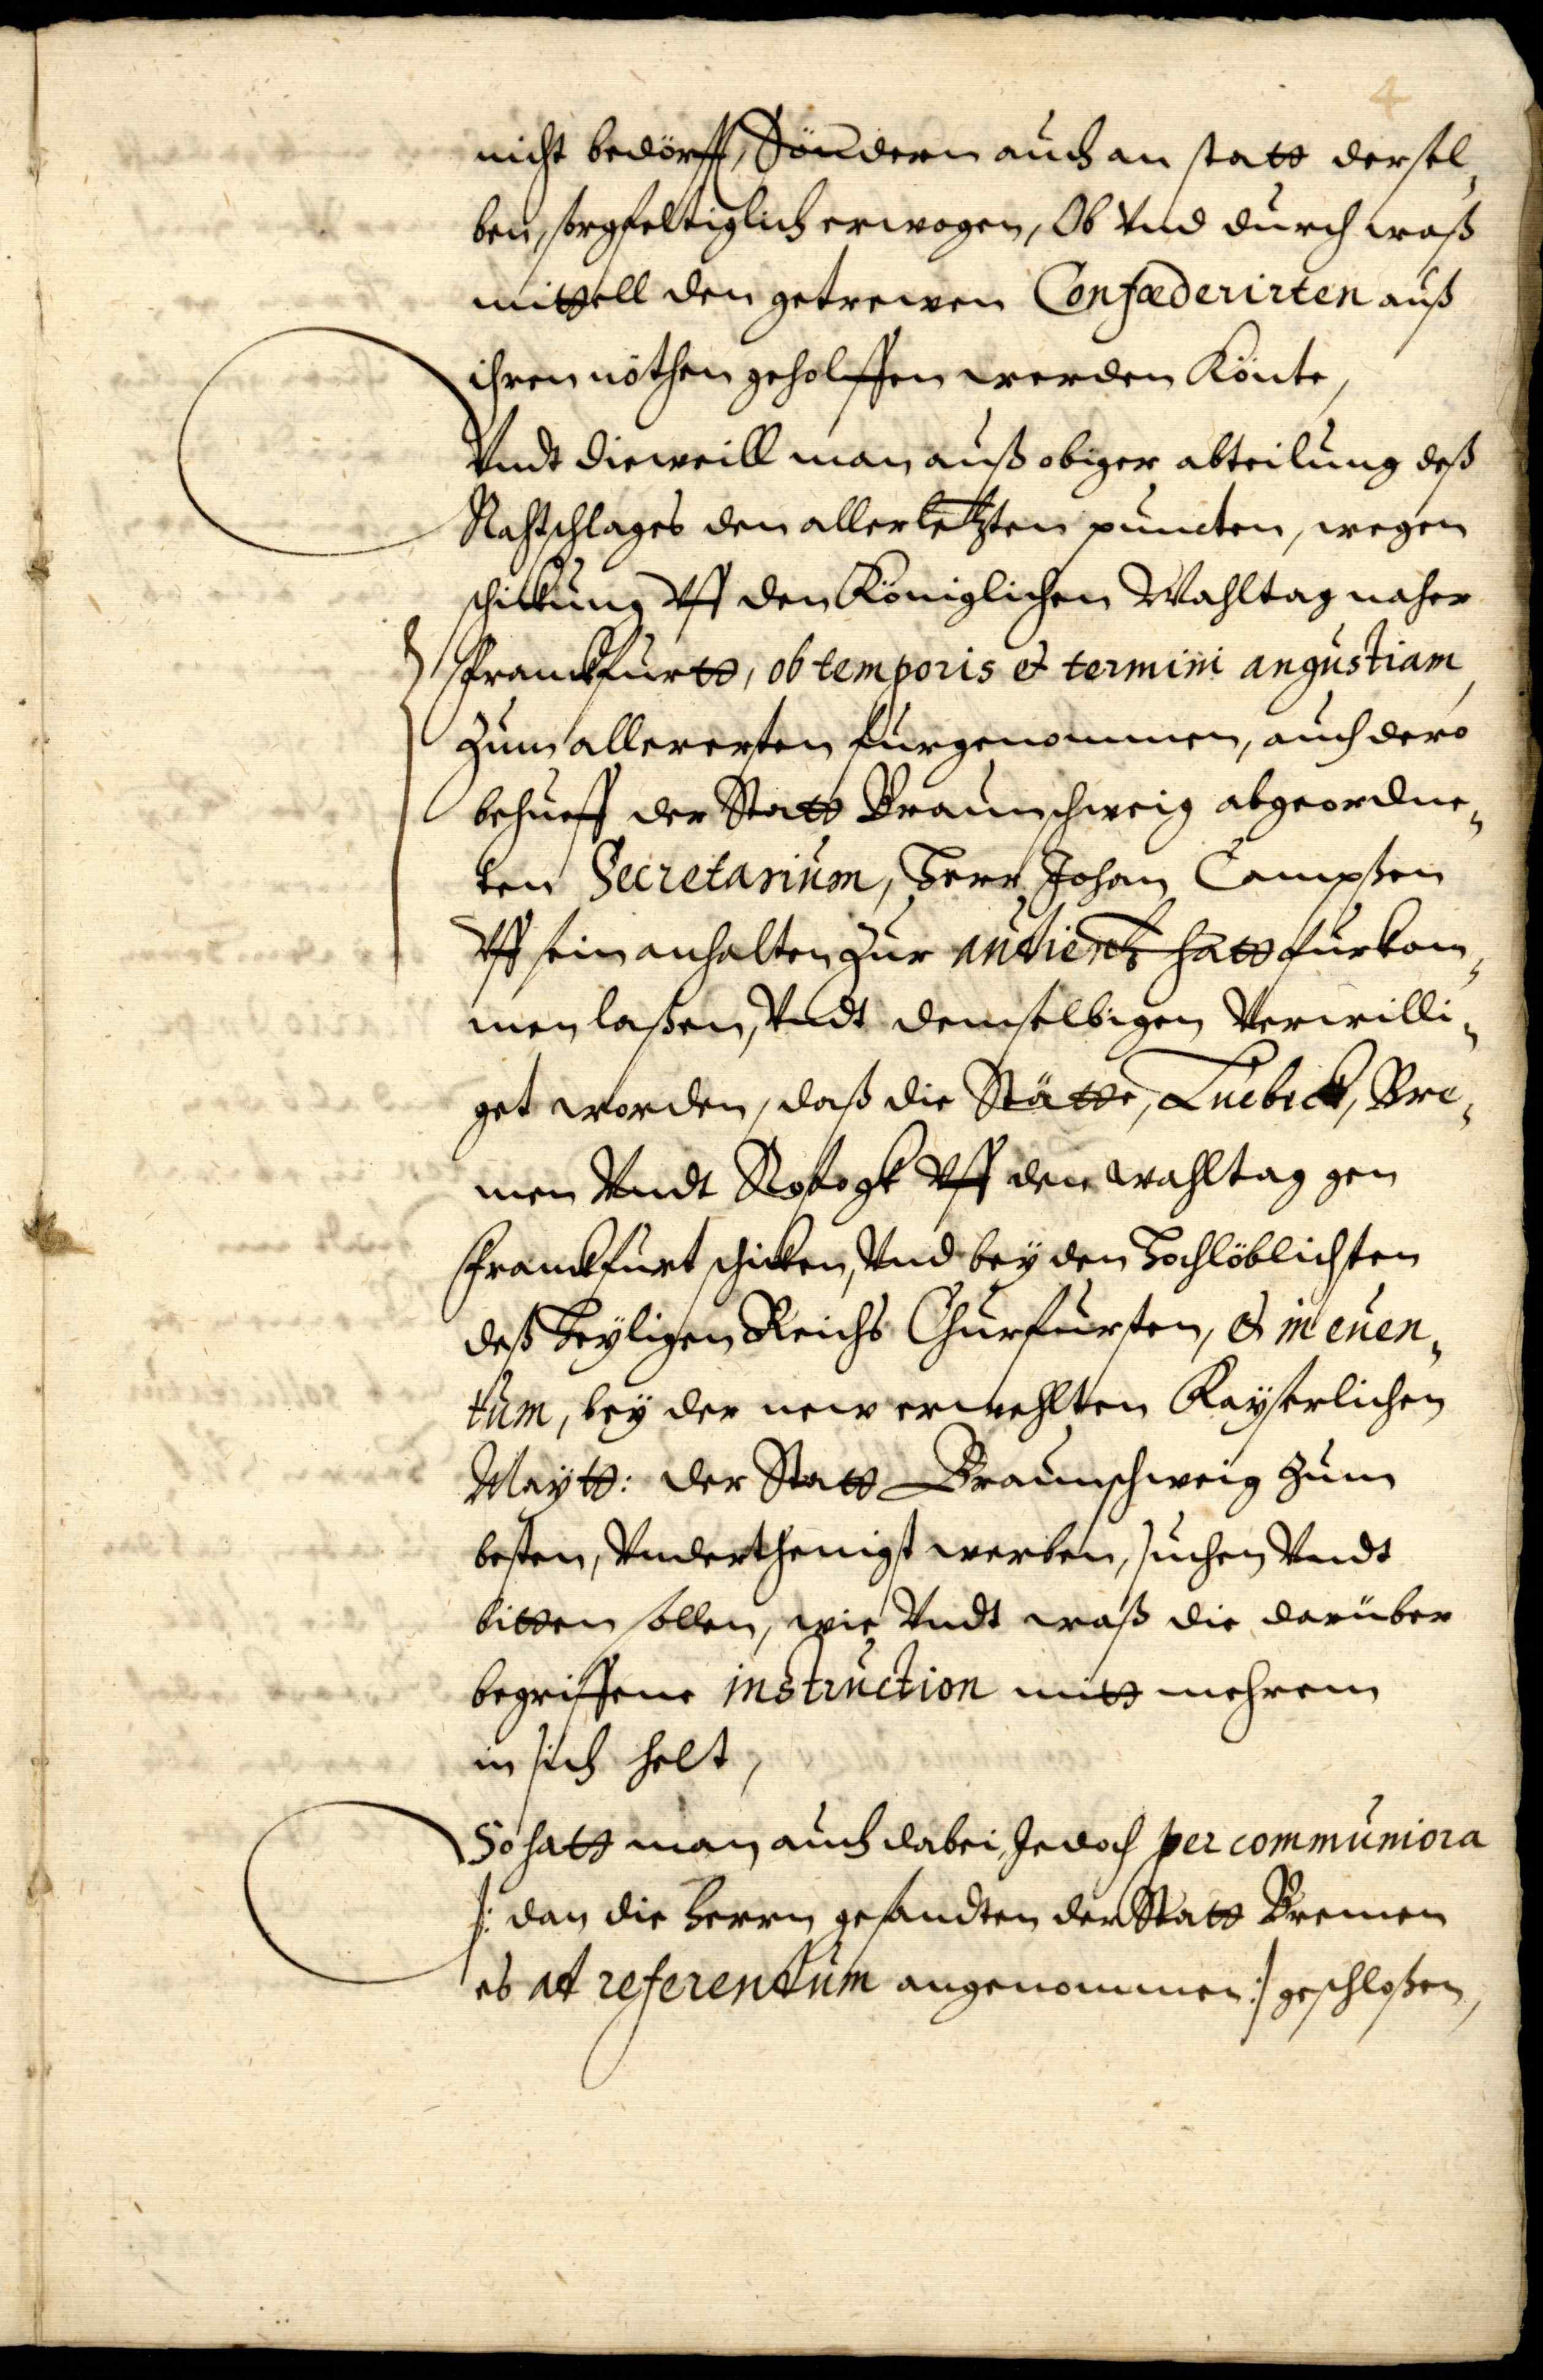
4
nicht bedörft, Söndern auch an statt dersel¬
ben sorgfeltiglich erwogen, Ob Vnd durch waß
mittell den getrewen Confoederirten auß
ihren nöthen geholffen werden könte,
Vndt dieweill man auß obiger abteilung deß
Rahtschlages den allerletzten puncten, wegen
schickung vff den königlichen Wahltag naher
Franckfurtt, ob temporis et termini angustiam,
zum allerersten furgenommen, auch dero
behueff der Statt Braunschweig abgeordne¬
ten Secretarium, Herr Johan Campßen
Vff sein anhalten zur andientz hatt furkom¬
men laßen, Vndt demselbigen Verwilli¬
get worden, daß die Stätte, Luebeck, Bre¬
men Vndt Rostogk Vff den wahltag gen
Franckfurt schicken, Vnd beij den hochlöblichsten
deß Heijligen Reichs Churfursten, et in euen¬
tum, beij der new erwehlten Kaijserlichen
Maijtt: der Statt Braunschweig zum
besten, vnderthenigst werben, suchen Vndt
bitten sollen, wie vndt waß die darüber
begriffene instruction mitt mehrem
in sich helt,
So hatt man auch dabei, Jedoch per communiora
|: dan die herrn gesandten der Statt Bremen
es ad referendum angenommen :| geschloßen,
